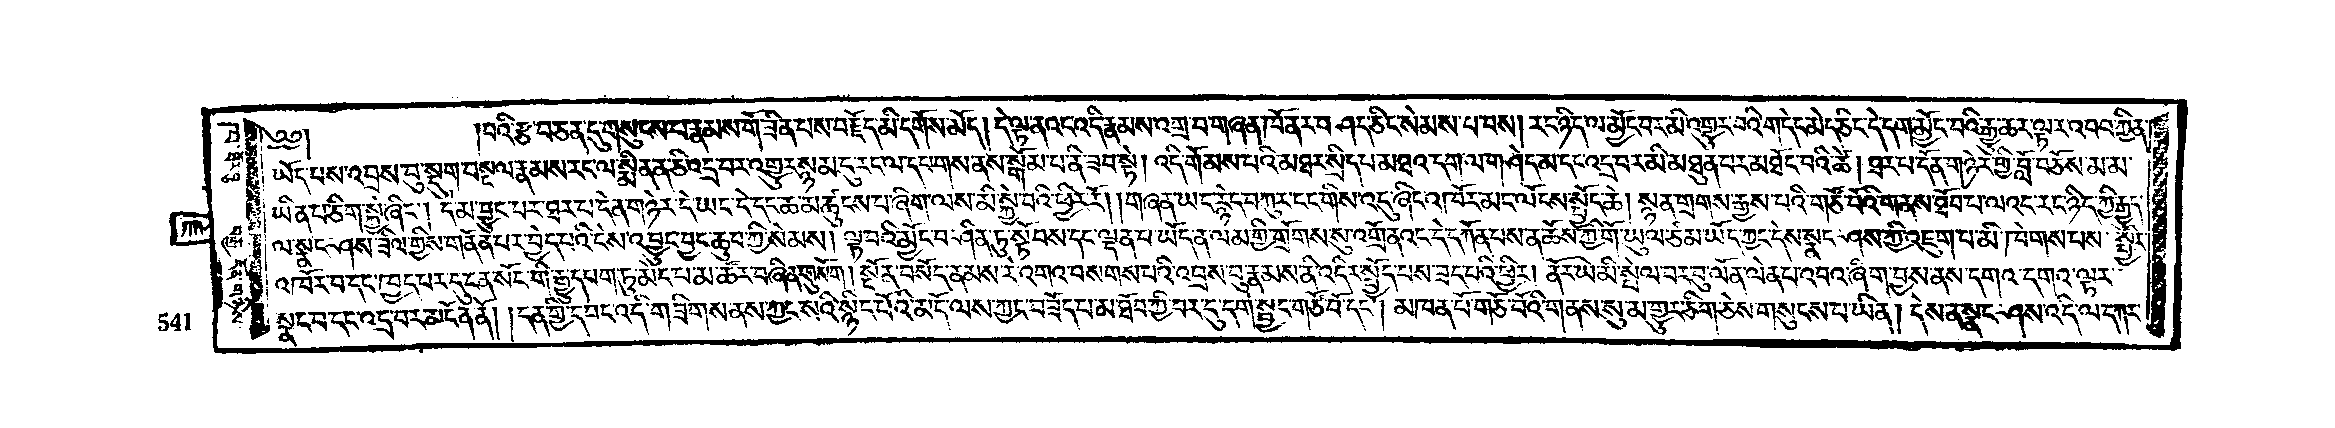༄༅། །བའི་རྩ་བ་ཅན་དུ་གསུངས་པ་རྣམས་གོ་ཟིན་པས་བརྗོད་མི་དགོས་མོད། དེ་ལྟ་ནའང་འདི་རྣམས་འགྲོ་བ་གཞན་ཁོ་ནར་བཤད་ཅིང་སེམས་པ་བས། རང་ཉིད་ལ་མྱོང་བར་མི་འགྱུར་བའི་གདེང་མེད་ཅིང་དེ་དག་མྱོང་བའི་རྒྱུ་ཆར་ལྟར་འབབ་ཀྱིན་
ཡོད་པས་འབྲས་བུ་སྡུག་བསྔལ་རྣམས་རང་ལ་སྨིན་ན་ཅི་འདྲ་བར་འགྱུར་སྙམ་དུ་རང་ལ་དཔགས་ནས་སྒོམ་པ་ནི་ཟབ་སྟེ། འདི་གོམས་པའི་མཐར་སྲིད་པ་མཐའ་དག་ལ་གཤེད་མ་དང་འདྲ་བར་མི་མཐུན་པར་མཐོང་བའི་ཚེ། ཐར་པ་དོན་གཉེར་གྱི་བློ་བཅོས་མ་མ་
ཡིན་པ་ཅིག་སྐྱེ་ཞིང་། དེ་མ་བྱུང་བར་ཐར་པ་དོན་གཉེར་དེ་ཡང་དེ་དང་ཆ་མཚུངས་པ་ཞིག་ལས་མི་སྐྱེ་བའི་ཕྱིར་རོ། །གཞན་ཡང་རྙེད་བཀུར་ངང་གིས་འདུ་ཞིང་འཁོར་མང་ལོངས་སྤྱོད་ཆེ། སྙན་གྲགས་རྒྱས་པའི་གཙོ་བོའི་གནས་ཐོབ་པ་ལའང་རང་ཉིད་ཀྱི་རྒྱུད་
ལ་སྣང་ཤས་ཟིལ་གྱིས་གནོན་པར་བྱེད་པའི་ངེས་འབྱུང་བྱང་ཆུབ་ཀྱི་སེམས། ལྟ་བའི་མྱོང་བ་ཤིན་ཏུ་སྟོབས་དང་ལྡན་པ་ཡོད་ན་ལམ་གྱི་གྲོགས་སུ་འགྲོ་ནའང་དེ་དཀོན་པས་ན་ཆོས་ཀྱི་གོ་ཡུལ་ཙམ་ཡོད་ཀྱང་དེས་སྣང་ཤས་ཀྱི་འཇུག་པ་མི་ཁེགས་པས་སྤྱིར་
འཁོར་བ་དང་ཁྱད་པར་དུ་ངན་སོང་གི་རྒྱུ་དཔག་ཏུ་མེད་པ་མ་ཚོར་བཞིན་དུ་སོག །སྔོན་བསོད་ནམས་རེ་འགའ་བསགས་པའི་འབྲས་བུ་རྣམས་ནི་འདིར་སྤྱོད་པས་ཟད་པའི་ཕྱིར། ནོར་ཡེ་མི་སྤེལ་བར་བུ་ལོན་ལེན་པ་འབའ་ཞིག་བྱས་ནས་དགའ་དགའ་ལྟར་
སྣང་བ་དང་འདྲ་བར་མངོན་ནོ། །དན་གྱི་དབང་འདི་གཟིགས་ནས་ཀྱང་སའི་སྙིང་པོའི་མདོ་ལས་ཀྱང་བཟོད་པ་མ་ཐོབ་ཀྱི་བར་དུ་དགེ་སྦྱོང་གཙོ་བོ་དང་། མཁན་པོ་གཙོ་བོའི་གནས་སུ་མ་གྱུར་ཅིག་ཅེས་གསུངས་པ་ཡིན། དེས་ན་སྣང་ཤས་འདི་ལ་དཀར་